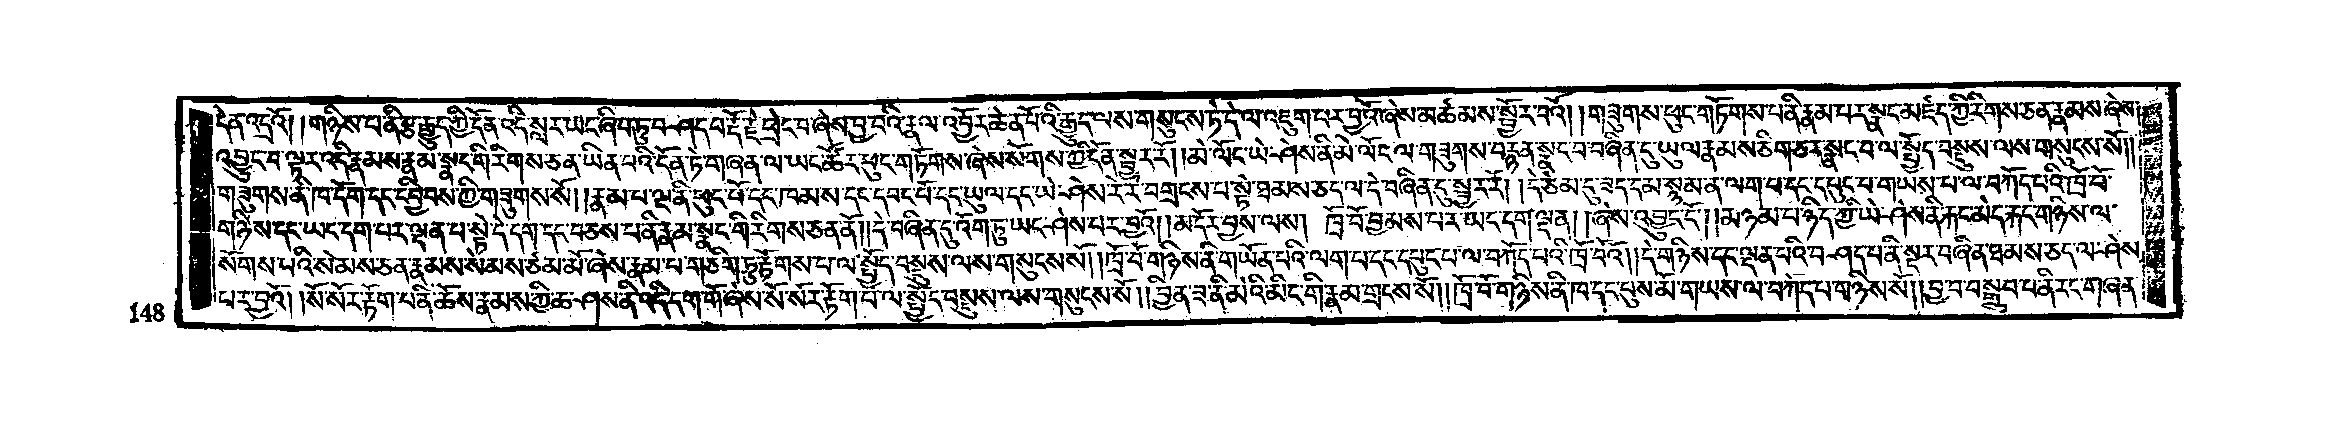དོན་འདྲའོ། །གཉིས་པ་ནི་རྩ་རྒྱུད་ཀྱི་དོན་འདི་སླར་ཡང་ཞིབ་ཏུ་བཤད་པ་རྡོ་རྗེ་ཕྲེང་བ་ཞེས་བྱ་བའི་རྣལ་འབྱོར་ཆེན་པོའི་རྒྱུད་ལས་གསུངས་ཏེ་དེ་ལ་འཇུག་པར་བྱའོ་ཞེས་མཚམས་སྦྱོར་བའོ། །གཟུགས་ཕུང་གཏོགས་པ་ནི་རྣམ་པར་སྣང་མཛད་ཀྱི་རིགས་ཅན་རྣམས་ཞེས་
འབྱུང་བ་ལྟར་འདི་རྣམས་རྣམ་སྣང་གི་རིགས་ཅན་ཡིན་པའི་དོན་ཏེ་གཞན་ལ་ཡང་ཚོར་ཕུང་གཏོགས་ཞེས་སོགས་ཀྱི་དོན་སྦྱར་རོ། །མེ་ལོང་ཡེ་ཤེས་ནི་མེ་ལོང་ལ་གཟུགས་བརྙན་སྣང་བ་བཞིན་དུ་ཡུལ་རྣམས་ཅིག་ཅར་སྣང་བ་ལ་སྤྱོད་བསྡུས་ལས་གསུངས་སོ། །
གཟུགས་ནི་ཁ་དོག་དང་དབྱིབས་ཀྱི་གཟུགས་སོ། །རྣམ་པ་ལྔ་ནི་ཕུང་པོ་དང་ཁམས་དང་དབང་པོ་དང་ཡུལ་དང་ཡེ་ཤེས་རེ་རེ་བགྲངས་པ་སྟེ་ཐམས་ཅད་ལ་དེ་བཞིན་དུ་སྦྱར་རོ། །དེ་ཙམ་དུ་ཟད་དམ་སྙམ་ན་ལག་པ་དང་དཔུང་བ་གཡས་པ་ལ་བཀོད་པའི་ཁྲོ་བོ་
གཉིས་དང་ཡང་དག་པར་ལྡན་པ་སྟེ་དེ་དག་དང་བཅས་པ་ནི་རྣམ་སྣང་གི་རིགས་ཅན་ནོ། །དེ་བཞིན་དུ་འོག་ཏུ་ཡང་ཤེས་པར་བྱའོ། །མདོར་བྱས་ལས། ཁྲོ་བོ་བྱམས་པར་ཡང་དག་ལྡན། །ཞེས་འབྱུང་ངོ། །མཉམ་པ་ཉིད་ཀྱི་ཡེ་ཤེས་ནི་རྐང་མེད་རྐང་གཉིས་ལ་
སོགས་པའི་སེམས་ཅན་རྣམས་སེམས་ཙམ་མོ་ཞེས་རྣམ་པ་གཅིག་ཏུ་རྟོགས་པ་ལ་སྤྱོད་བསྡུས་ལས་གསུངས་སོ། །ཁྲོ་བོ་གཉིས་ནི་གཡོན་པའི་ལག་པ་དང་དཔུང་བ་ལ་བཀོད་པའི་ཁྲོ་བོའོ། །དེ་གཉིས་དང་ལྡན་པའི་བཤད་པ་ནི་སྔར་བཞིན་ཐམས་ཅད་ལ་ཤེས་
པར་བྱའོ། །སོ་སོར་རྟོག་པ་ནི་ཆོས་རྣམས་ཀྱི་ཆ་ཤས་ནི་འདི་དག་གོ་ཞེས་སོ་སོར་རྟོག་པ་ལ་སྤྱོད་བསྡུས་ལས་གསུངས་སོ། །བྱིན་ཟ་ནི་མེའི་མིང་གི་རྣམ་གྲངས་སོ། །ཁྲོ་བོ་གཉིས་ནི་ཁ་དང་པུས་མོ་གཡས་ལ་བཀོད་པ་གཉིས་སོ། །བྱ་བ་བསྒྲུབ་པ་ནི་རང་གཞན་